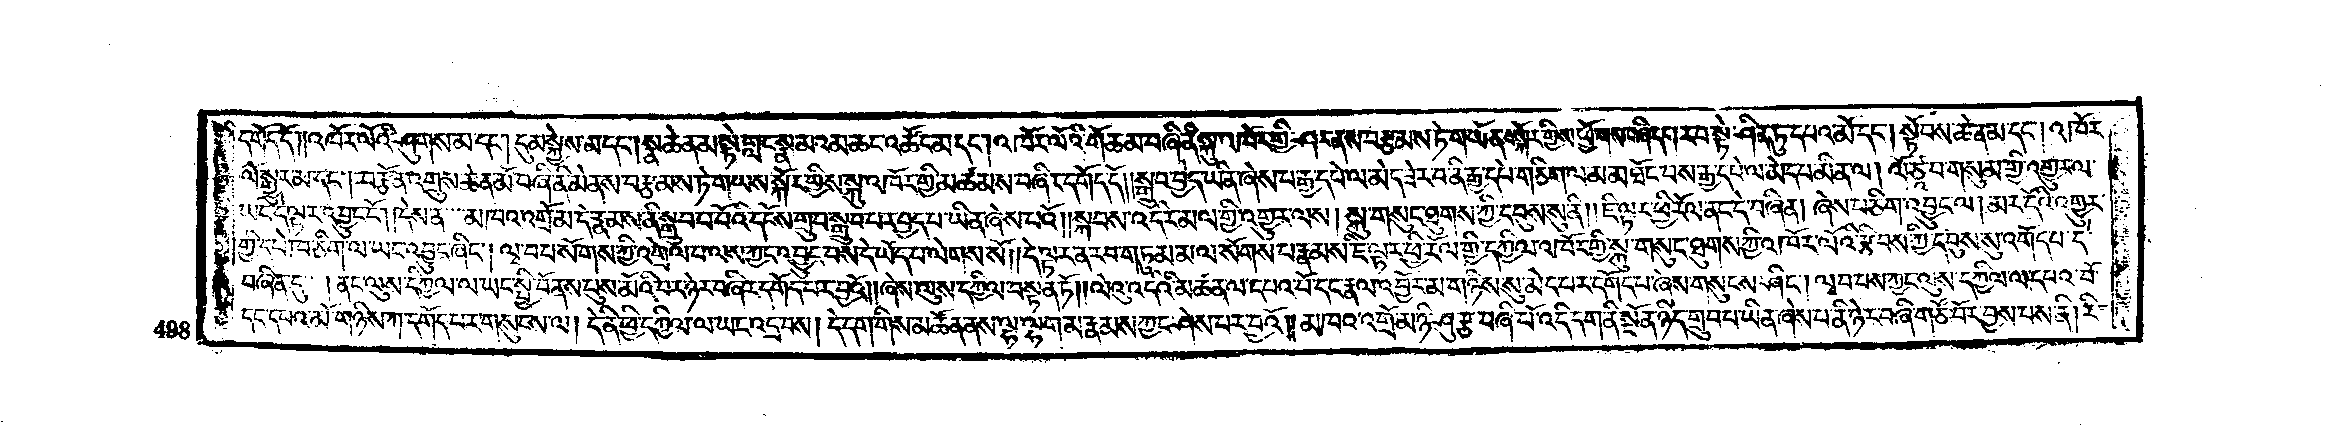དགོད་དོ། །འཁོར་ལོའི་ཤུགས་མ་དང་། དུ་མ་སྐྱེས་མ་དང་། སྣ་ཆེན་མ་སྟེ་གླང་སྣ་མའམ་ཆང་འཚོང་མ་དང་། འཁོར་ལོའི་གོ་ཆ་མ་བཞི་ནི་སྐུ་འཁེར་གྱི་ཤར་ནས་བརྩམས་ཏེ་གཡོན་བསྐོར་གྱིས་ཕྱོགས་བཞི་དང་། རབ་སྟེ་ཤིན་ཏུ་དཔའ་མོ་དང་། སྟོབས་ཆེན་མ་དང་། འཁོར་
ལོ་སྒྱུར་མ་དང་། བརྩོན་འགྲུས་ཆེན་མོ་བཞི་ནི་མེ་ནས་བརྩམས་ཏེ་གཡས་སྐོར་གྱིས་སྐུ་འཁོར་གྱི་མཚམས་བཞིར་དགོད་དོ། །སྒྲུབ་བྱེད་ཡིན་ཞེས་པ་རྒྱ་དཔེ་ལ་མེད་ཟེར་བ་ནི་རྒྱ་དཔེ་གཅིག་ལ་མ་མཐོང་བས་རྒྱ་དཔེ་ལ་མེད་པ་མིན་ལ། ལོ་ཙཱ་བ་གསུམ་གྱི་འགྱུར་ལ་
ཡང་དེ་ལྟར་འབྱུང་ངོ། །དེས་ན་མཁའ་འགྲོ་མ་དེ་རྣམས་ནི་སྒྲུབ་པ་པོའི་དངོས་གྲུབ་སྒྲུབ་པར་བྱད་པ་ཡིན་ཞེས་པའོ། །སྐབས་འདིར་མལ་གྱི་འགྱུར་ལས། སྐུ་གསུང་ཐུགས་ཀྱི་དབུས་སུ་ནི། །ཇི་ལྟར་ཕྱི་རོལ་ནང་དེ་བཞིན། ཞེས་པ་ཅིག་འབྱུང་ལ། མར་དོའི་འགྱུར་
གྱི་དཔེ་ཁ་ཅིག་ལ་ཡང་འབྱུང་ཞིང་། ལྭ་བ་པ་སོགས་ཀྱི་འགྲེལ་པ་ལས་ཀྱང་འབྱུང་བས་དེ་ཡོད་པ་ལེགས་སོ། །དེ་ལྟར་ན་རབ་གཏུམ་མ་ལ་སོགས་པ་རྣམས་ཇི་ལྟར་ཕྱི་རོལ་གྱི་དཀྱིལ་འཁོར་གྱི་སྐུ་གསུང་ཐུགས་ཀྱི་འཁོར་ལོའི་རྩིབས་ཀྱི་དབུས་སུ་འགོད་པ་དེ་
བཞིན་དུ། ནང་ལུས་དཀྱིལ་ལ་ཡང་སྤྱི་བོ་ནས་པུས་མོའི་བར་ཉེར་བཞིར་དགོད་པར་བྱའོ། །ཞེས་ལུས་དཀྱིལ་བསྟན་ཏོ། །ལེའུ་འདིའི་མཚན་ལ་དཔའ་བོ་དང་རྣལ་འབྱོར་མ་གཉིས་སུ་མེད་པར་དགོད་པ་ཞེས་གསུངས་ཤིང་། ལྭབ་པས་ཀྱང་ལུས་དཀྱིལ་ལ་དཔའ་བོ་
དང་དཔའ་མོ་གཉིས་ཀ་དགོད་པར་གསུངས་ལ། དེ་ནི་ཕྱི་དཀྱིལ་ལ་ཡང་འདྲ་བས། དེ་དག་གིས་མཚོན་ནས་ལྷ་ལྷག་མ་རྣམས་ཀྱང་ཤེས་པར་བྱའོ། །མཁའ་འགྲོ་མ་ཉི་ཤུ་རྩ་བཞི་པོ་འདི་དག་ནི་སྔོན་ཉིད་གྲུབ་པ་ཡིན་ཞེས་པ་ནི་ཉེར་བཞི་གཙོ་བོར་བྱས་པས་ནི། རི་